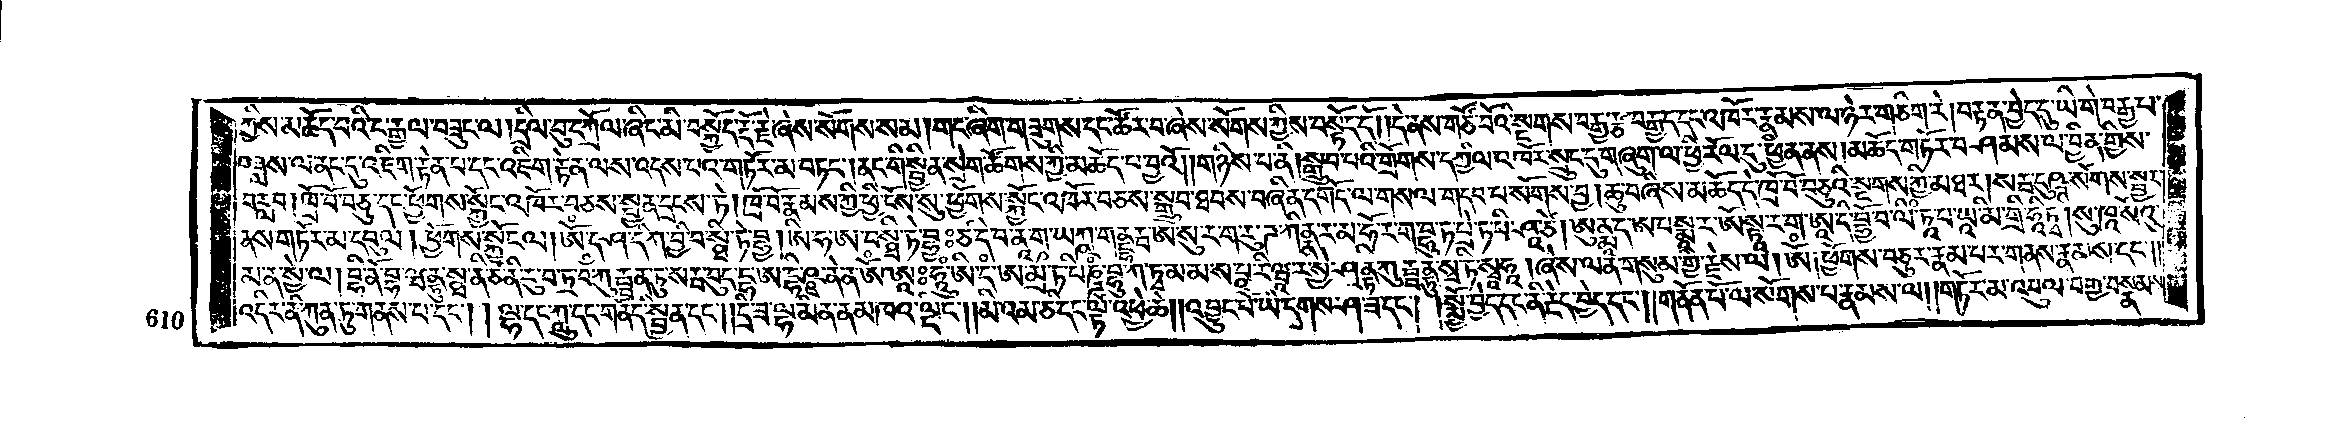ཀྱིས་མཆོད་པའི་ང་རྒྱལ་བཟུང་ལ། དྲིལ་བུ་དཀྲོལ་ཞིང་མི་བསྐྱོད་རྡོ་རྗེ་ཞེས་སོགས་སམ། གང་ཞིག་གཟུགས་དང་ཚོར་བ་ཞེས་སོགས་ཀྱིས་བསྟོད་དོ། །དེ་ནས་གཙོ་བོའི་སྔགས་བརྒྱ་རྩ་བརྒྱད་དང་འཁོར་རྣམས་ལ་ཉེར་གཅིག་རེ། བརྟན་བྱེད་དུ་ཡི་གེ་བརྒྱ་པ་
བཟླས་ལ་ནང་དུ་འཇིག་རྟེན་པ་དང་འཇིག་རྟེན་ལས་འདས་པའི་གཏོར་མ་བཏང་། ནང་གི་སྦྱིན་སྲེག་ཚོགས་ཀྱི་མཆོད་པ་བྱའོ། །གཉིས་པ་ནི། སྒྲུབ་པའི་གྲོགས་དཀྱིལ་འཁོར་སྲུང་དུ་གཞུག་ལ་ཕྱི་རོལ་དུ་ཕྱིན་ནས། མཆོད་གཏོར་བཤམས་ལ་བྱིན་གྱིས་
བརླབ། ཁྲོ་བོ་བཅུ་དང་ཕྱོགས་སྐྱོང་འཁོར་བཅས་སྤྱན་དྲངས་ཏེ། ཁྲོ་བོ་རྣམས་ཀྱི་ཕྱི་ངོས་སུ་ཕྱོགས་སྐྱོང་འཁོར་བཅས་སྒྲུབ་ཐབས་བཞིན་དགོད་ལ་གསལ་གདབ་པ་སོགས་བྱ། ཆུ་བཞིས་མཆོད་དེ་ཁྲོ་བོ་བཅུའི་སྔགས་ཀྱི་མཐར། སརྦ་དུཥྚ་སོགས་སྦྱར་
ནས་གཏོར་མ་དབུལ། ཕྱོགས་སྐྱོང་ལ། ཨོཾ་དཤ་དི་ཀ་བྱི་བ་སྠི་ཏེ་བྷྱ། ཨི་ཧ་ཨ་བསྠི་ཏེ་བྷྱཿ ཙ་དེ་བ་ནཱ་ག་ཡཀྵ་གནྡྷརྦ་ཨ་སུ་ར་ག་རུ་ཌ་ཀིནྣ་ར་མ་ཧོ་ར་ག་བྷུ་ཏ་པྲེ་ཏ་པི་ཤཱ་ཙེ། ཨུནྨཱ་ད་ཨ་པསྨཱ་ར་ཨོ་སྟཱ་ར་ག་ཨཱ་དི་བྷྱོ་བ་ལིཾ་ཏཱ་པ་ཡཱ་མི་གྲི་ཧཱི་ཏྭ། སུ་ཁཱ་སོའུ་
མ་ན་སྱེ་ལ། བྷི་ནོ་བྷ་ཝནྟུ་སྠ་ནི་ཙ་ནི་རུ་བ་ཏྲ་བཾ་ཀུརྦྦན་ཏུ་སརྦ་བུད་དྷ་ཨ་དྷི་ཥཊཿཨ་ནེ་ན་ཨོཾ་ཨཱཿ ཧཱུཾ་ཨི་དཾ་ཨ་མྲྀ་ཏ་པིཎཌཾ་བྷུ་ཀ་ཏྭ་མ་མ་ས་པཱ་རི་ཝཱ་ར་སྱེ་ཤཱནྟི་ཀུརྦྦནྟུ་སྭ་ཏི་སྭཱ་ཧཱ། ཞེས་ལན་གསུམ་གྱི་རྗེས་ལ། ཨོཾ། ཕྱོགས་བཅུར་རྣམ་པར་གནས་རྣམས་དང་། །
འདིར་ནི་ཀུན་ཏུ་གནས་པ་དང་། །ལྷ་དང་ཀླུ་དང་གནོད་སྦྱིན་དང་། །དྲི་ཟ་ལྷ་མིན་ནམ་མཁའ་ལྡིང་། །མི་འམ་ཅི་དང་ལྟོ་འཕྱེ་ཆེ། །འབྱུང་པོ་ཡི་དྭགས་ཤ་ཟ་དང་། །སྨྱོ་བྱེད་དང་ནི་རྡེད་བྱེད་དང་། །གནོན་པོ་ལ་སོགས་པ་རྣམས་ལ། །གཏོར་མ་འབུལ་བགྱི་བསྣམས་